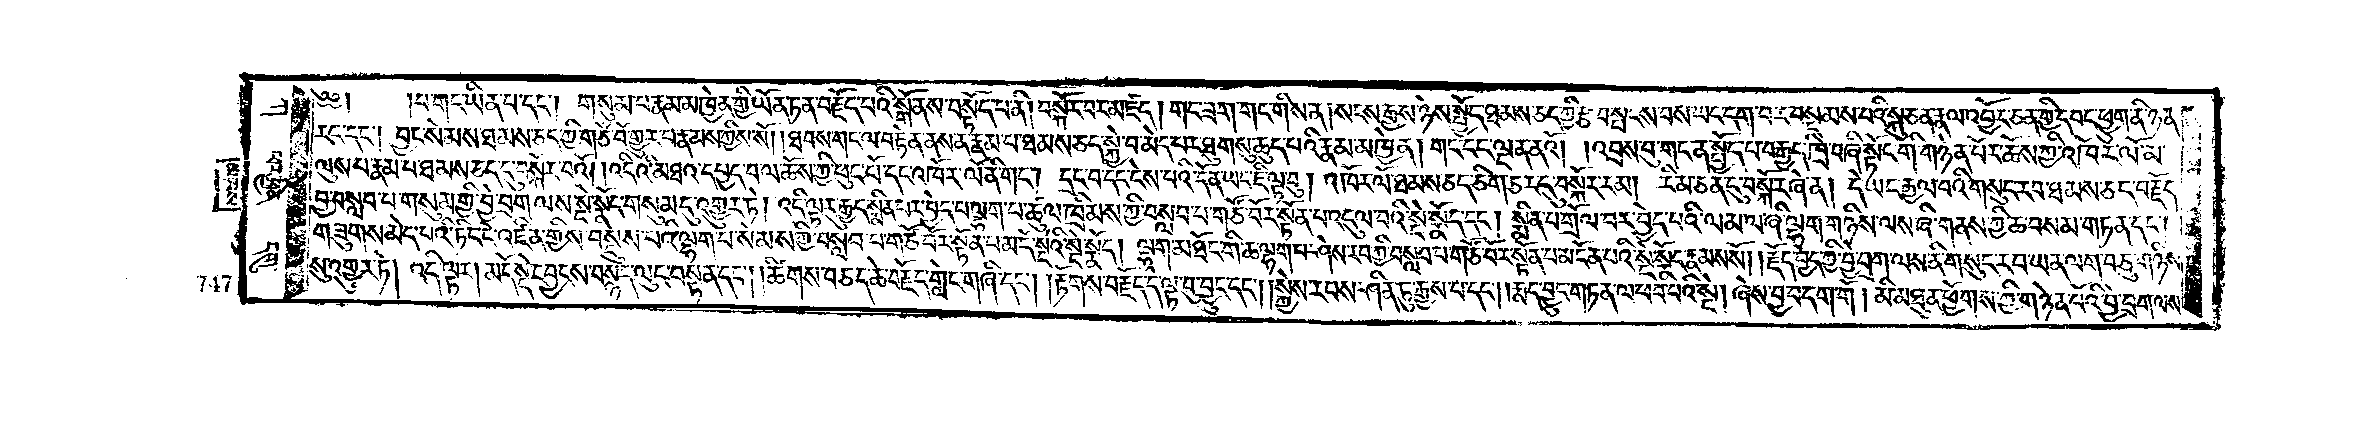༄༅། །པ་གང་ཡིན་པ་དང་། གསུམ་པ་རྣམ་མཁྱེན་གྱི་ཡོན་ཏན་བརྗོད་པའི་སྒོ་ནས་བསྟོད་པ་ནི། བསྐོར་བར་མཛད། གང་ཟག་གང་གིས་ན། སངས་རྒྱས་ཉེས་སྤྱོད་ཐམས་ཅད་ཀྱི་རྩ་བ་སྤངས་པས་ཡང་དག་པར་བསྡམས་པའི་སྐུ་ཅན་རྣལ་འབྱོར་ཅན་གྱི་དབང་ཕྱུག་ནི་ཉན་
རང་དང་། བྱང་སེམས་ཐམས་ཅད་ཀྱི་གཙོ་བོ་གྱུར་པ་རྣམས་ཀྱིས་སོ། །ཐབས་གང་ལ་བརྟེན་ནས་ན་རྣམ་པ་ཐམས་ཅད་སྐྱེ་བ་མེད་པར་ཐུགས་སུ་ཆུད་པའི་རྣམ་མཁྱེན། གང་དང་ལྡན་ནའོ། །འབྲས་བུ་གང་ན་སྤྱོད་པ་བརྒྱད་ཁྲི་བཞི་སྟོང་གི་གཉེན་པོར་ཆོས་ཀྱི་འཁོར་ལོ་མ་
ལུས་པ་རྣམ་པ་ཐམས་ཅད་དུ་བསྐོར་བའོ། །འདིའི་མཐའ་དཔྱད་བ་ལ་ཆོས་ཀྱི་ཕུང་པོ་དང་འཁོར་ལོ་ནི་གང་། དྲང་བ་དང་ངེས་པའི་དོན་ཡང་ཇི་ལྟ་བུ། འཁོར་ལོ་ཐམས་ཅད་ཅིག་ཅར་དུ་བསྐོར་རམ། རིམ་ཅན་དུ་བསྐོར་ཞེ་ན། དེ་ཡང་རྒྱལ་བའི་གསུང་རབ་ཐམས་ཅད་བརྗོད་
བྱ་བསླབ་པ་གསུམ་གྱི་བྱེ་བྲག་ལས་སྡེ་སྣོད་གསུམ་དུ་འགྱུར་ཏེ། འདི་ལྟར་རྒྱུད་སྨིན་པར་བྱེད་པ་ལྷག་པ་ཚུལ་ཁྲིམས་ཀྱི་བསླབ་པ་གཙོ་བོར་སྟོན་པ་འདུལ་བའི་སྡེ་སྣོད་དང་། སྨིན་པ་གྲོལ་བར་བྱེད་པའི་ལམ་ལ་ཞི་ལྷག་གཉིས་ལས་ཞི་གནས་ཀྱི་ཆ་བསམ་གཏན་དང་།
གཟུགས་མེད་པའི་ཏིང་ངེ་འཛིན་གྱིས་བསྡུས་པའི་ལྷག་པ་སེམས་ཀྱི་བསླབ་པ་གཙོ་བོར་སྟོན་པ་མདོ་སྡེའི་སྡེ་སྣོད། ལྷག་མཐོང་གི་ཆ་ལྷག་པ་ཤེས་རབ་ཀྱི་བསླབ་པ་གཙོ་བོར་སྟོན་པ་མངོན་པའི་སྡེ་སྣོད་རྣམས་སོ། །རྗོད་བྱེད་ཀྱི་བྱེ་བྲག་ལས་ནི་གསུང་རབ་ཡན་ལག་བཅུ་གཉིས་
སུ་འགྱུར་ཏེ། འདི་ལྟར། མདོ་སྡེ་དབྱངས་བསྙད་ལུང་བསྟན་དང་། །ཚིགས་བཅད་ཆེ་བརྗོད་གླེང་གཞི་དང་། །རྟོགས་བརྗོད་དེ་ལྟ་བུ་བྱུང་དང་། །སྐྱེས་རབས་ཤིན་ཏུ་རྒྱས་པ་དང་། རྨད་བྱུང་གཏན་ལ་ཕབ་པའི་སྡེ། ཞེས་བྱ་བ་དག་གོ། མི་མཐུན་ཕྱོགས་ཀྱི་གཉེན་པོའི་བྱེ་བྲག་ལས་